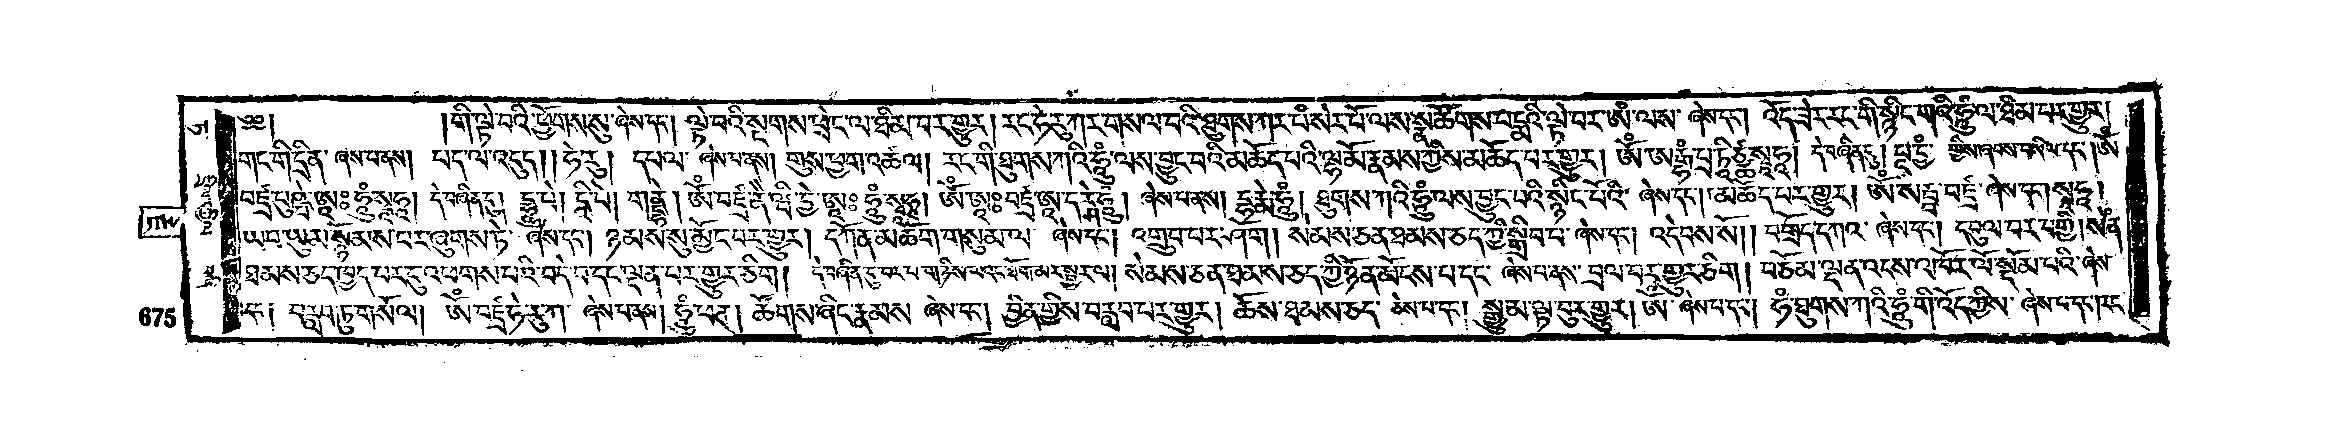༄༅། །གི་ལྟེ་བའི་ཕྱོགས་སུ་ཞེས་དང་།  ལྟེ་བའི་སྔགས་ཕྲེང་ལ་ཐིམ་པར་གྱུར། རང་ཧེ་རུ་ཀར་གསལ་བའི་ཐུགས་ཀར་པཾ་སེར་པོ་ལས་སྣ་ཚོགས་པདམའི་ལྟེ་བར་ཨཾ་ལས་ཞེས་དང་།  འོད་ཟེར་རང་གི་སྙིང་གའི་ཧཱུཾ་ལ་ཐིམ་པར་གྱུར།
གང་གི་དྲིན་ཞེས་པ་ནས།  པད་ལ་འདུད། །ཧེ་རུ། དཔལ་ཞེས་པ་ནས།  གུས་ཕྱག་འཚལ། རང་གི་ཐུགས་ཀའི་ཧཱུཾ་ལས་བྱུང་བའི་མཆོད་པའི་ལྷ་མོ་རྣམས་ཀྱིས་མཆོད་པར་གྱུར། ཨོཾ་ཨརྒྷཾ་པྲ་ཏཱིཙྪ་སྭཱཧཱ། དེ་བཞིན་དུ།  པཱ་དྱཾ་གྱིས་ཞབས་བསིལ་དང་།  ཨོཾ་
བཛྲ་པུཥྤེ་ཨཱཿ ཧཱུཾ་སྭཱཧཱ། དེ་བཞིན་དུ།  དྷཱུ་པེ། དཱི་པེ། གནྡྷེ། ཨོཾ་བཛྲ་ནཻ་ཝི་དྱེ་ཨཱཿ ཧཱུཾ་སྭཱཧཱ། ཨོཾ་ཨཱཿ བཛྲ་ཨཱ་དརྴེ་ཧཱུཾ། ཞེས་པ་ནས།  དྷརྨེ་ཧཱུཾ། ཐུགས་ཀའི་ཧཱུཾ་ལས་བྱུང་བའི་སྙིང་པོའི་ཞེས་དང་།  །མཆོད་པར་གྱུར། ཨོཾ་སརྦྦ་བཛྲ་ཞེས་དང་།  སྭཱཧཱ།
ཡབ་ཡུམ་སྙོམས་པར་ཞུགས་ཏེ་ཞེས་དང་།  ཉམས་སུ་མྱོང་བར་གྱུར། དཀོན་མཆོག་གསུམ་ལ་ཞེས་དང་།  འགྲུབ་པར་ཤོག །སེམས་ཅན་ཐམས་ཅད་ཀྱི་སྒྲིབ་པ་ཞེས་དང་།  འདེབས་སོ། །བགྲོད་དཀའ་ཞེས་དང་།  དབུལ་བར་བགྱི། སེམས་ཅན་
ཐམས་ཅད་ཁྱད་པར་དུ་འཕགས་པའི་བདེ་བ་དང་ལྡན་པར་གྱུར་ཅིག་།དེ་བཞིན་དུ་བར་པ་གཉིས་ལའང་ཐོག་མར་སྦྱར་ལ།  སེམས་ཅན་ཐམས་ཅད་ཀྱི་ཉོན་མོངས་པ་དང་ཞེས་པ་ནས་བྲལ་བར་གྱུར་ཅིག །བཅོམ་ལྡན་འདས་འཁོར་ལོ་སྡོམ་པའི་ཞེས་
དང་། བརླབ་ཏུ་གསོལ། ཨོཾ་བཛྲ་ཧེ་རུ་ཀ་ཞེས་པ་ནས།  ཧཱུཾ་ཕཊ། ཚོགས་ཞིང་རྣམས་ཞེས་དང་།  བྱིན་གྱིས་བརླབ་པར་གྱུར། ཆོས་ཐམས་ཅད་ཅེས་པ་དང་།  སྒྱུ་མ་ལྟ་བུར་གྱུར། ཨོཾ་ཞེས་པ་དང་།  ཧཾ་ཐུགས་ཀའི་ཧཱུཾ་གི་འོད་ཀྱིས་ཞེས་པ་དང་། རང་